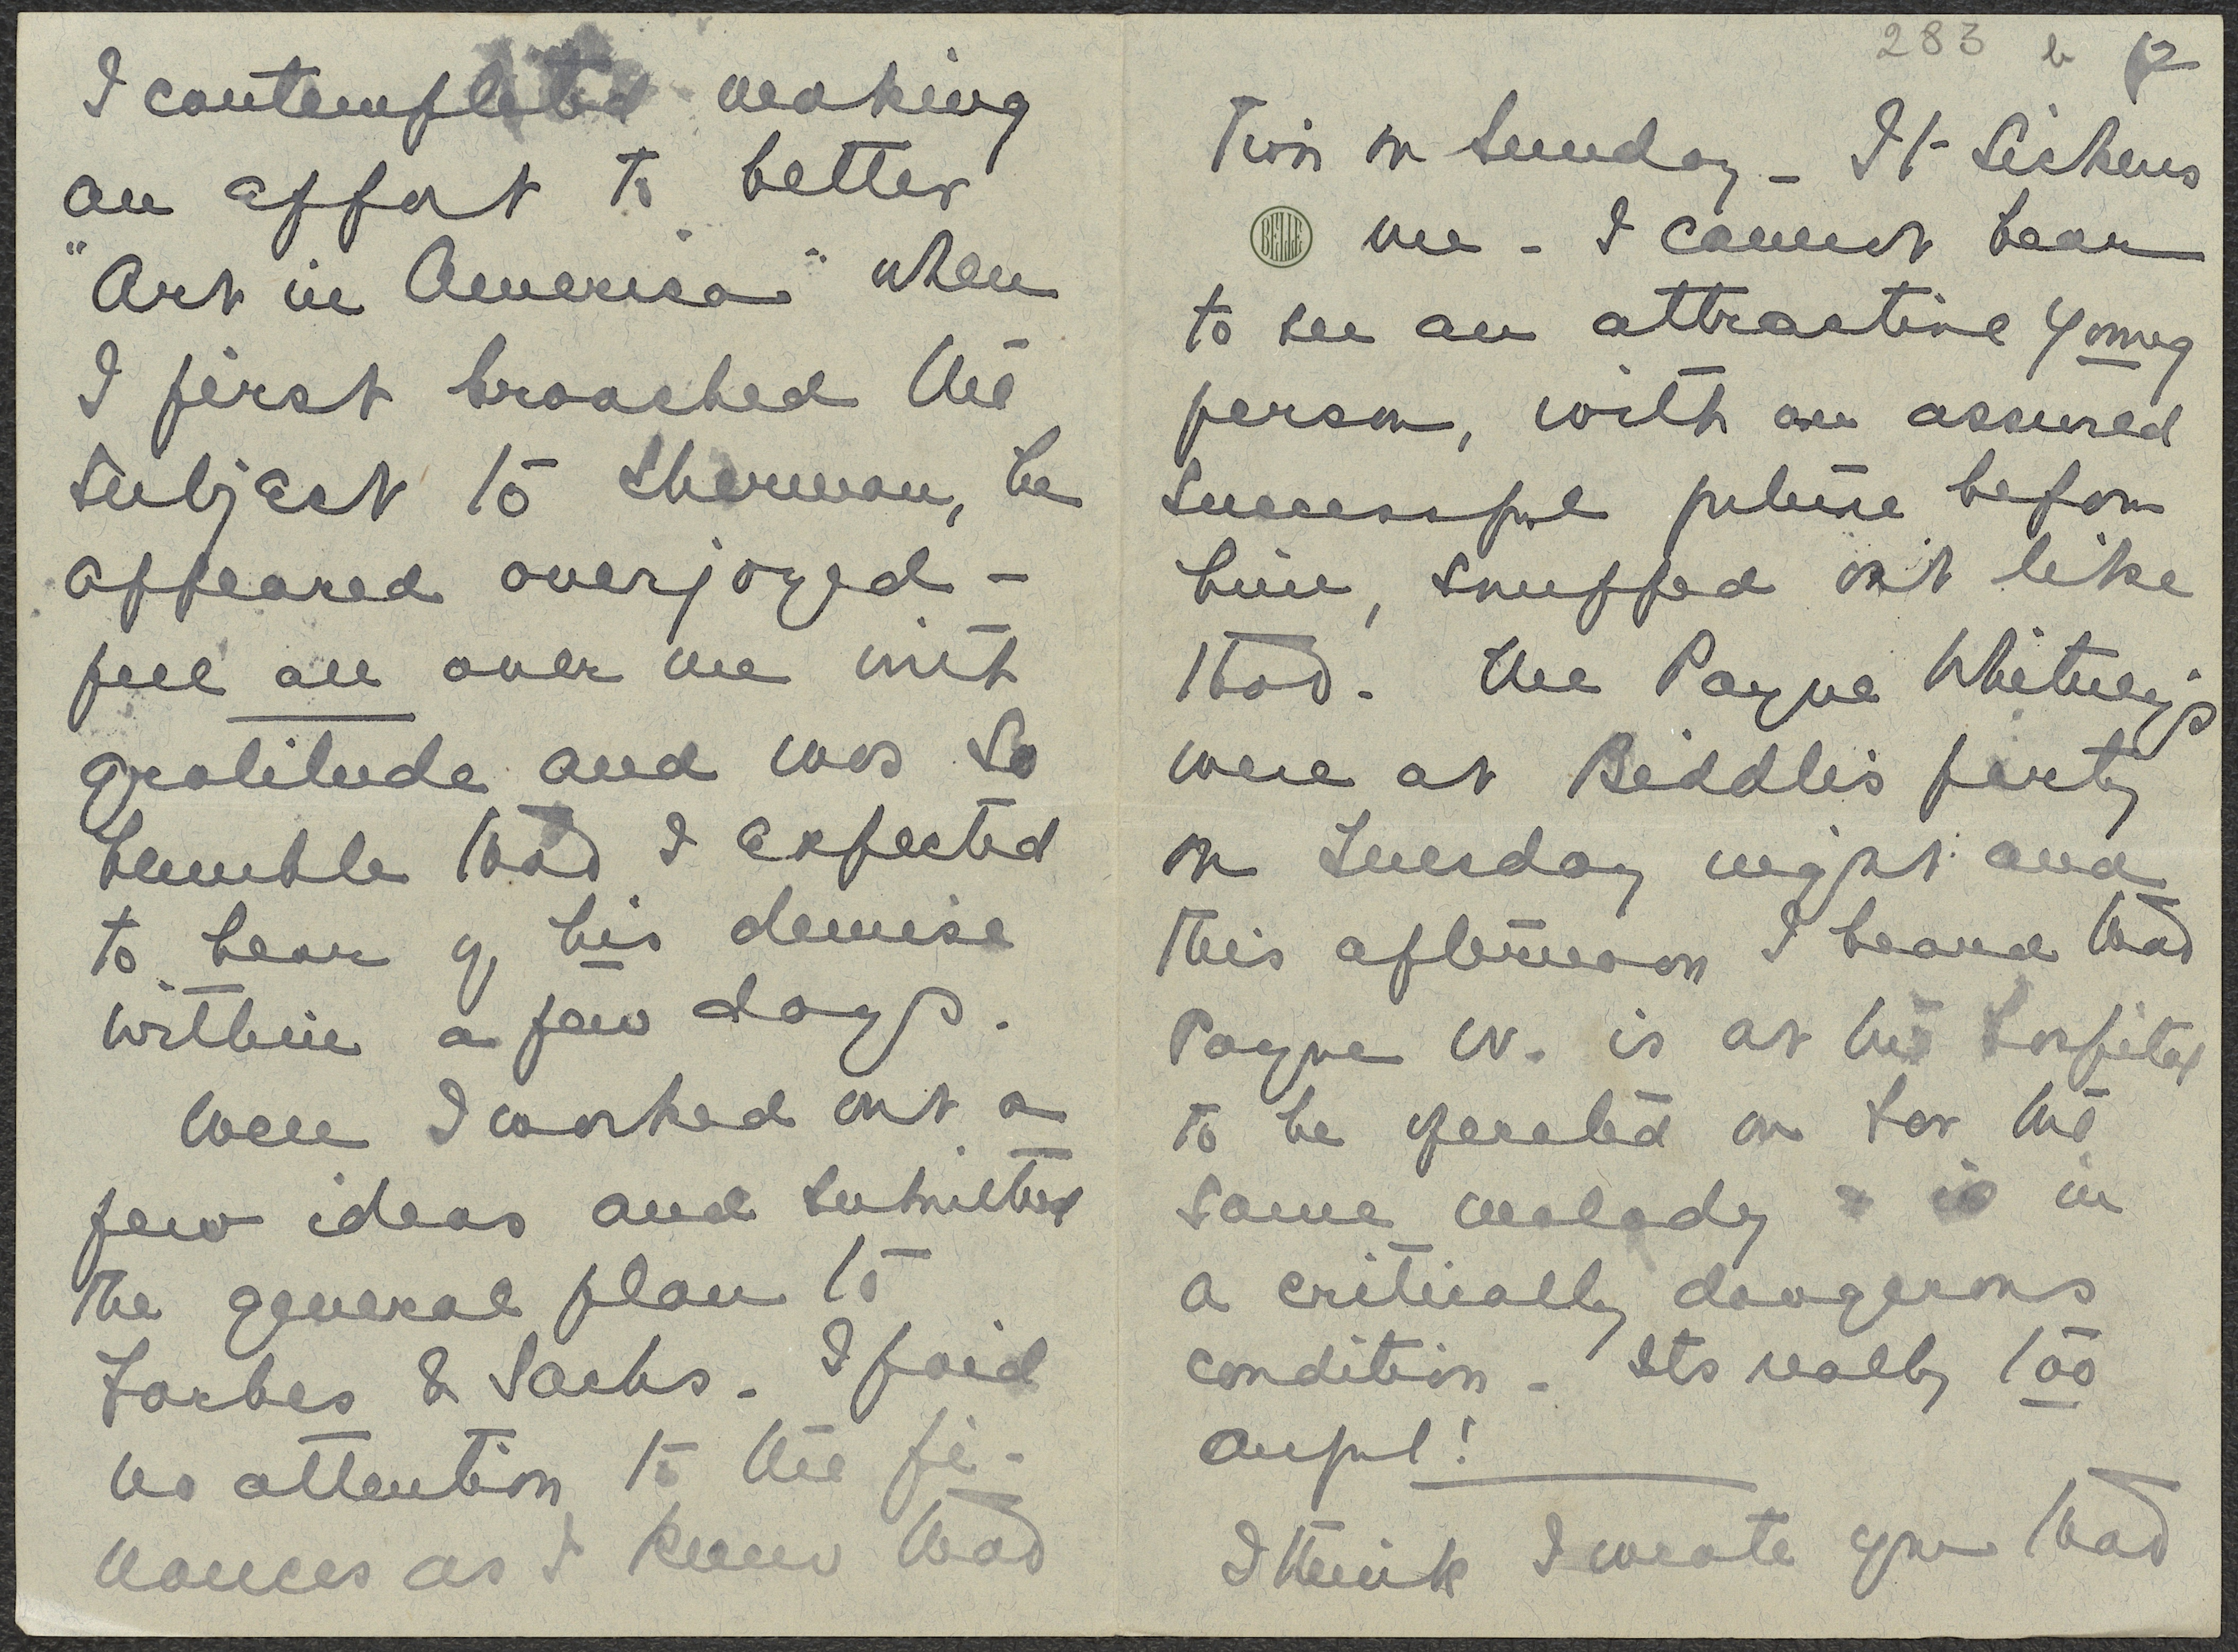operation on Sunday – It sickens me – I cannot bear to see an attractive young person, with an assured successful future before him, snuffed out like that – the Payne Whitney’s were at Biddle’s party on Tuesday night and this afternoon I heard that Payne W. is at the hospital to be operated on for the same malady & is in a critically dangerous condition – It’s really too awful!
I think I wrote you that
I contemplated making an effort to better “Art in America” when I first broached the subject to Sherman, he appeared overjoyed – fell all over me with gratitude and was so humble that I expected to hear of his demise within a few days.
Well I worked out a few ideas and submitted the general plan to Forbes & Sachs – I paid no attention to the finances as I knew that